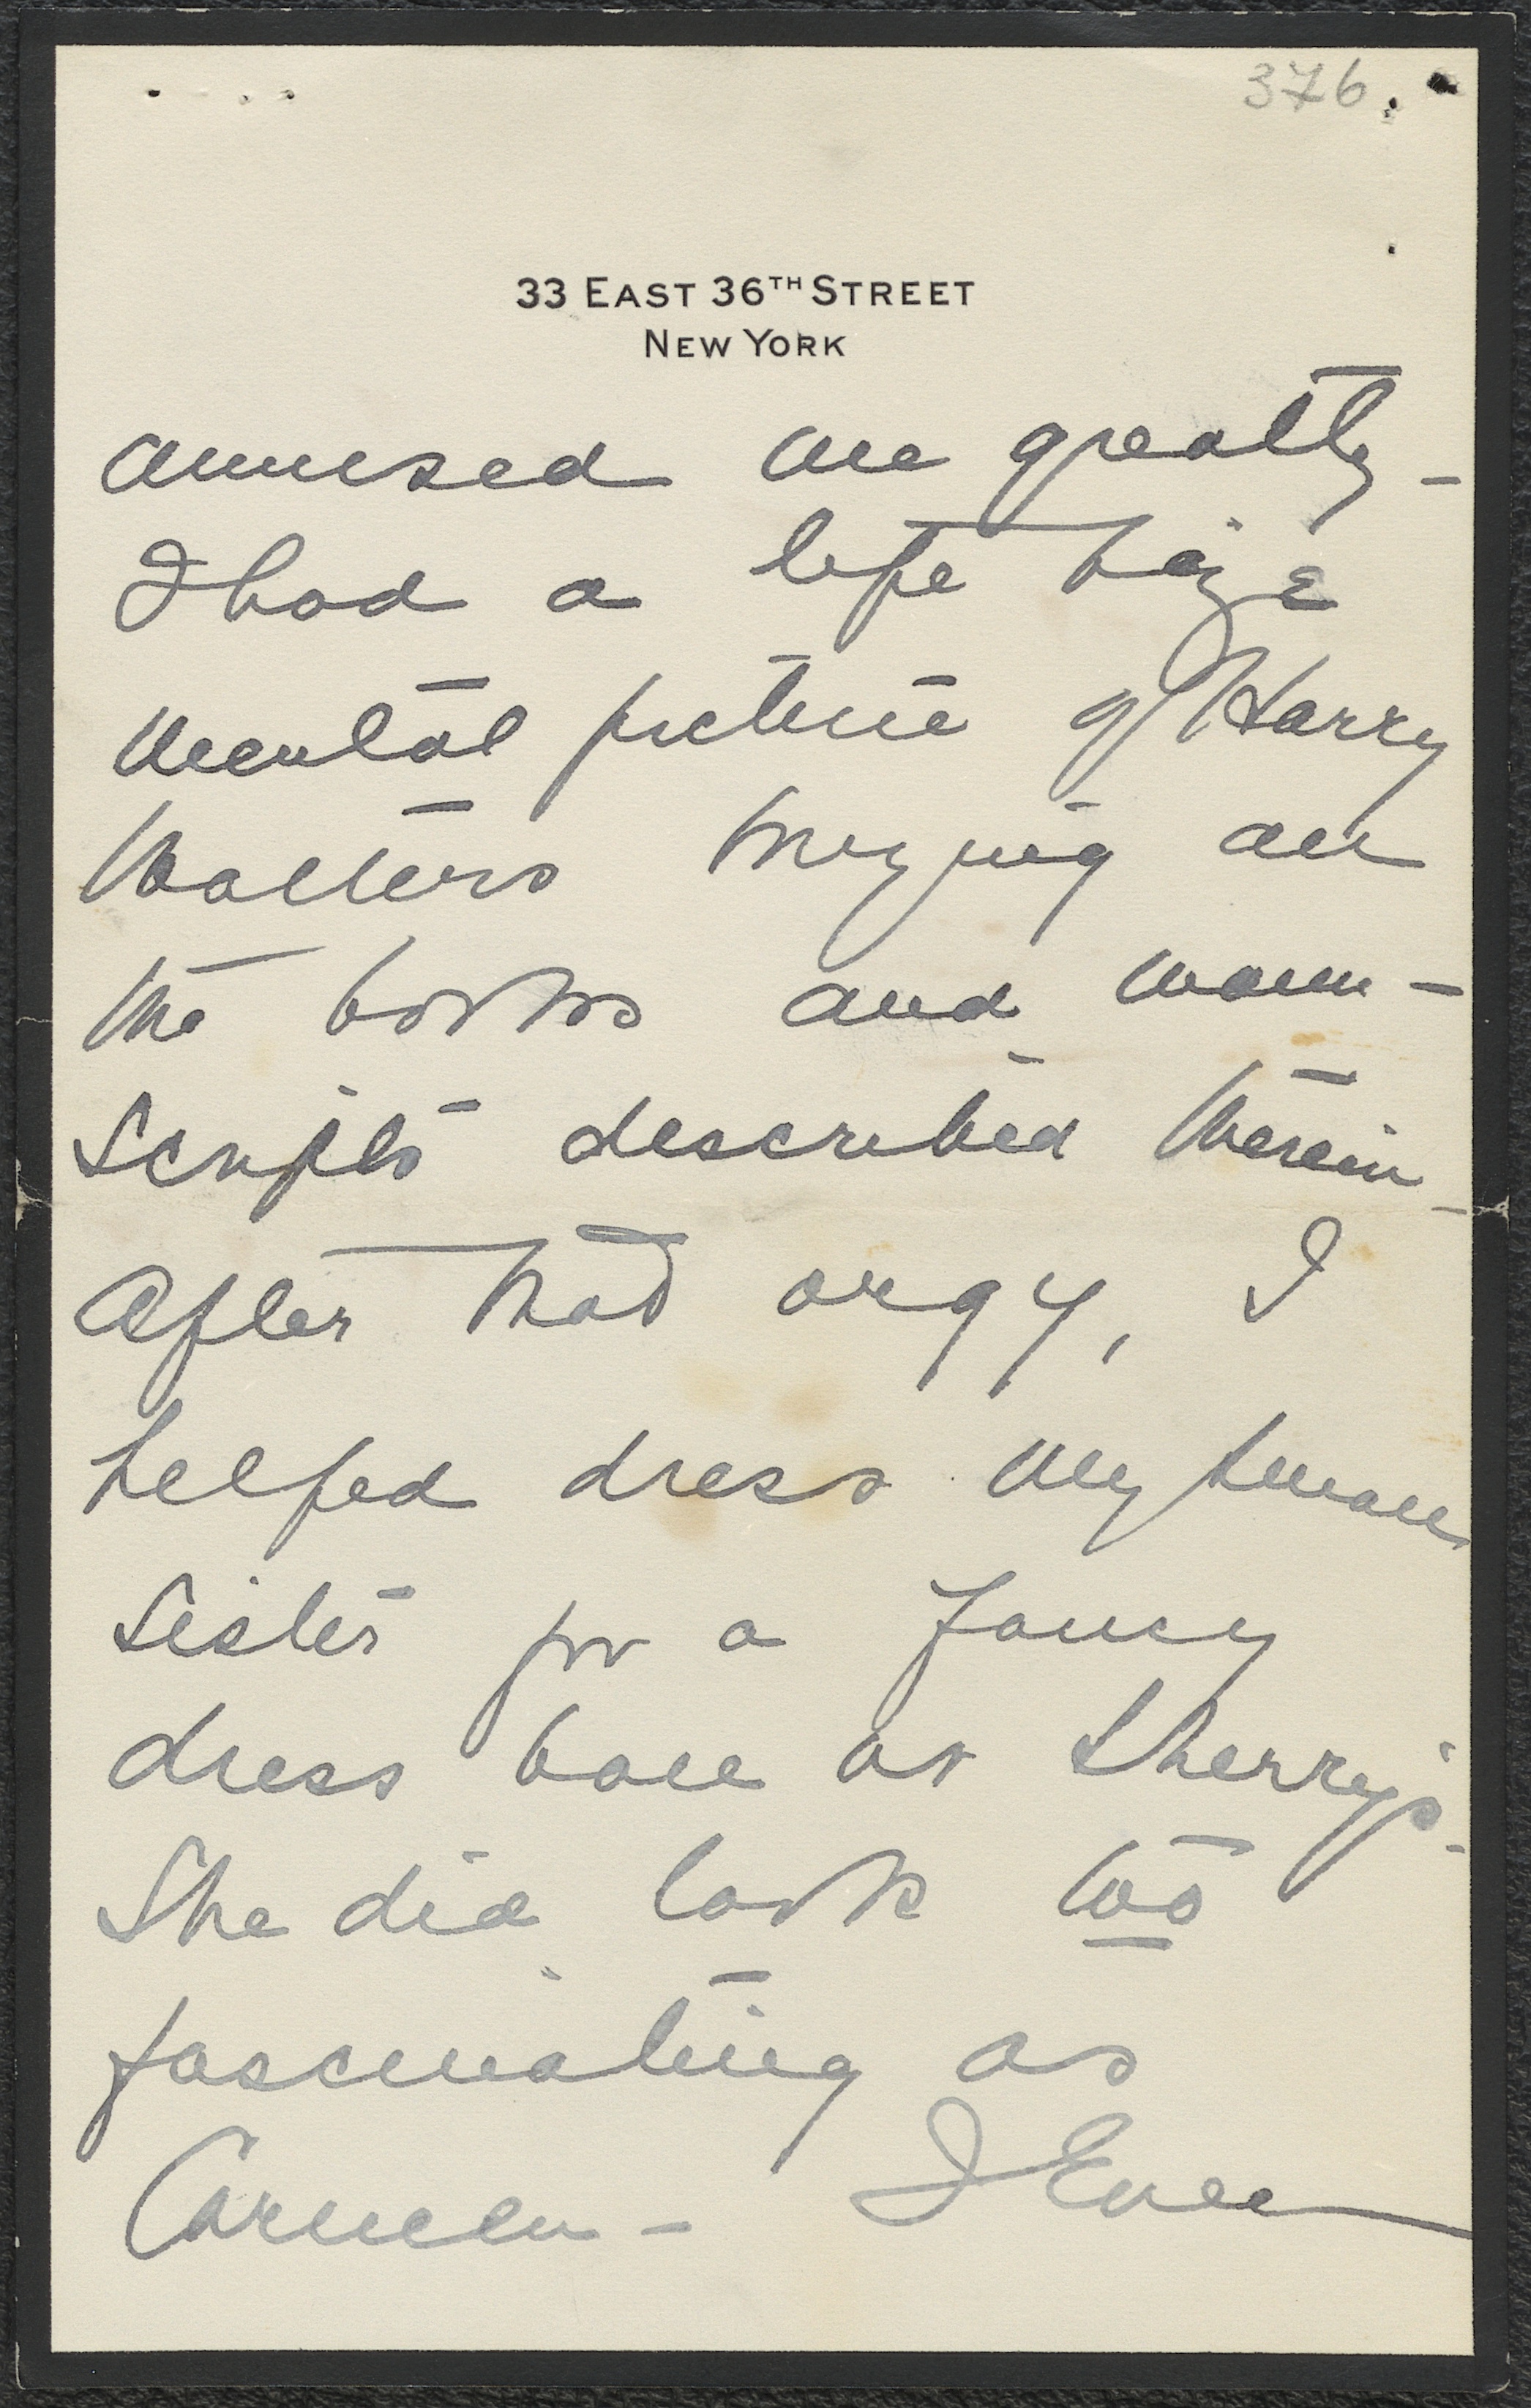amused me greatly – I had a life size mental picture of Henry Walters buying all the books and manuscripts described therein – After that orgy, I helped dress my small sister for a fancy dress ball at Sherry’s – She did look too fascinating as Carmen – I even